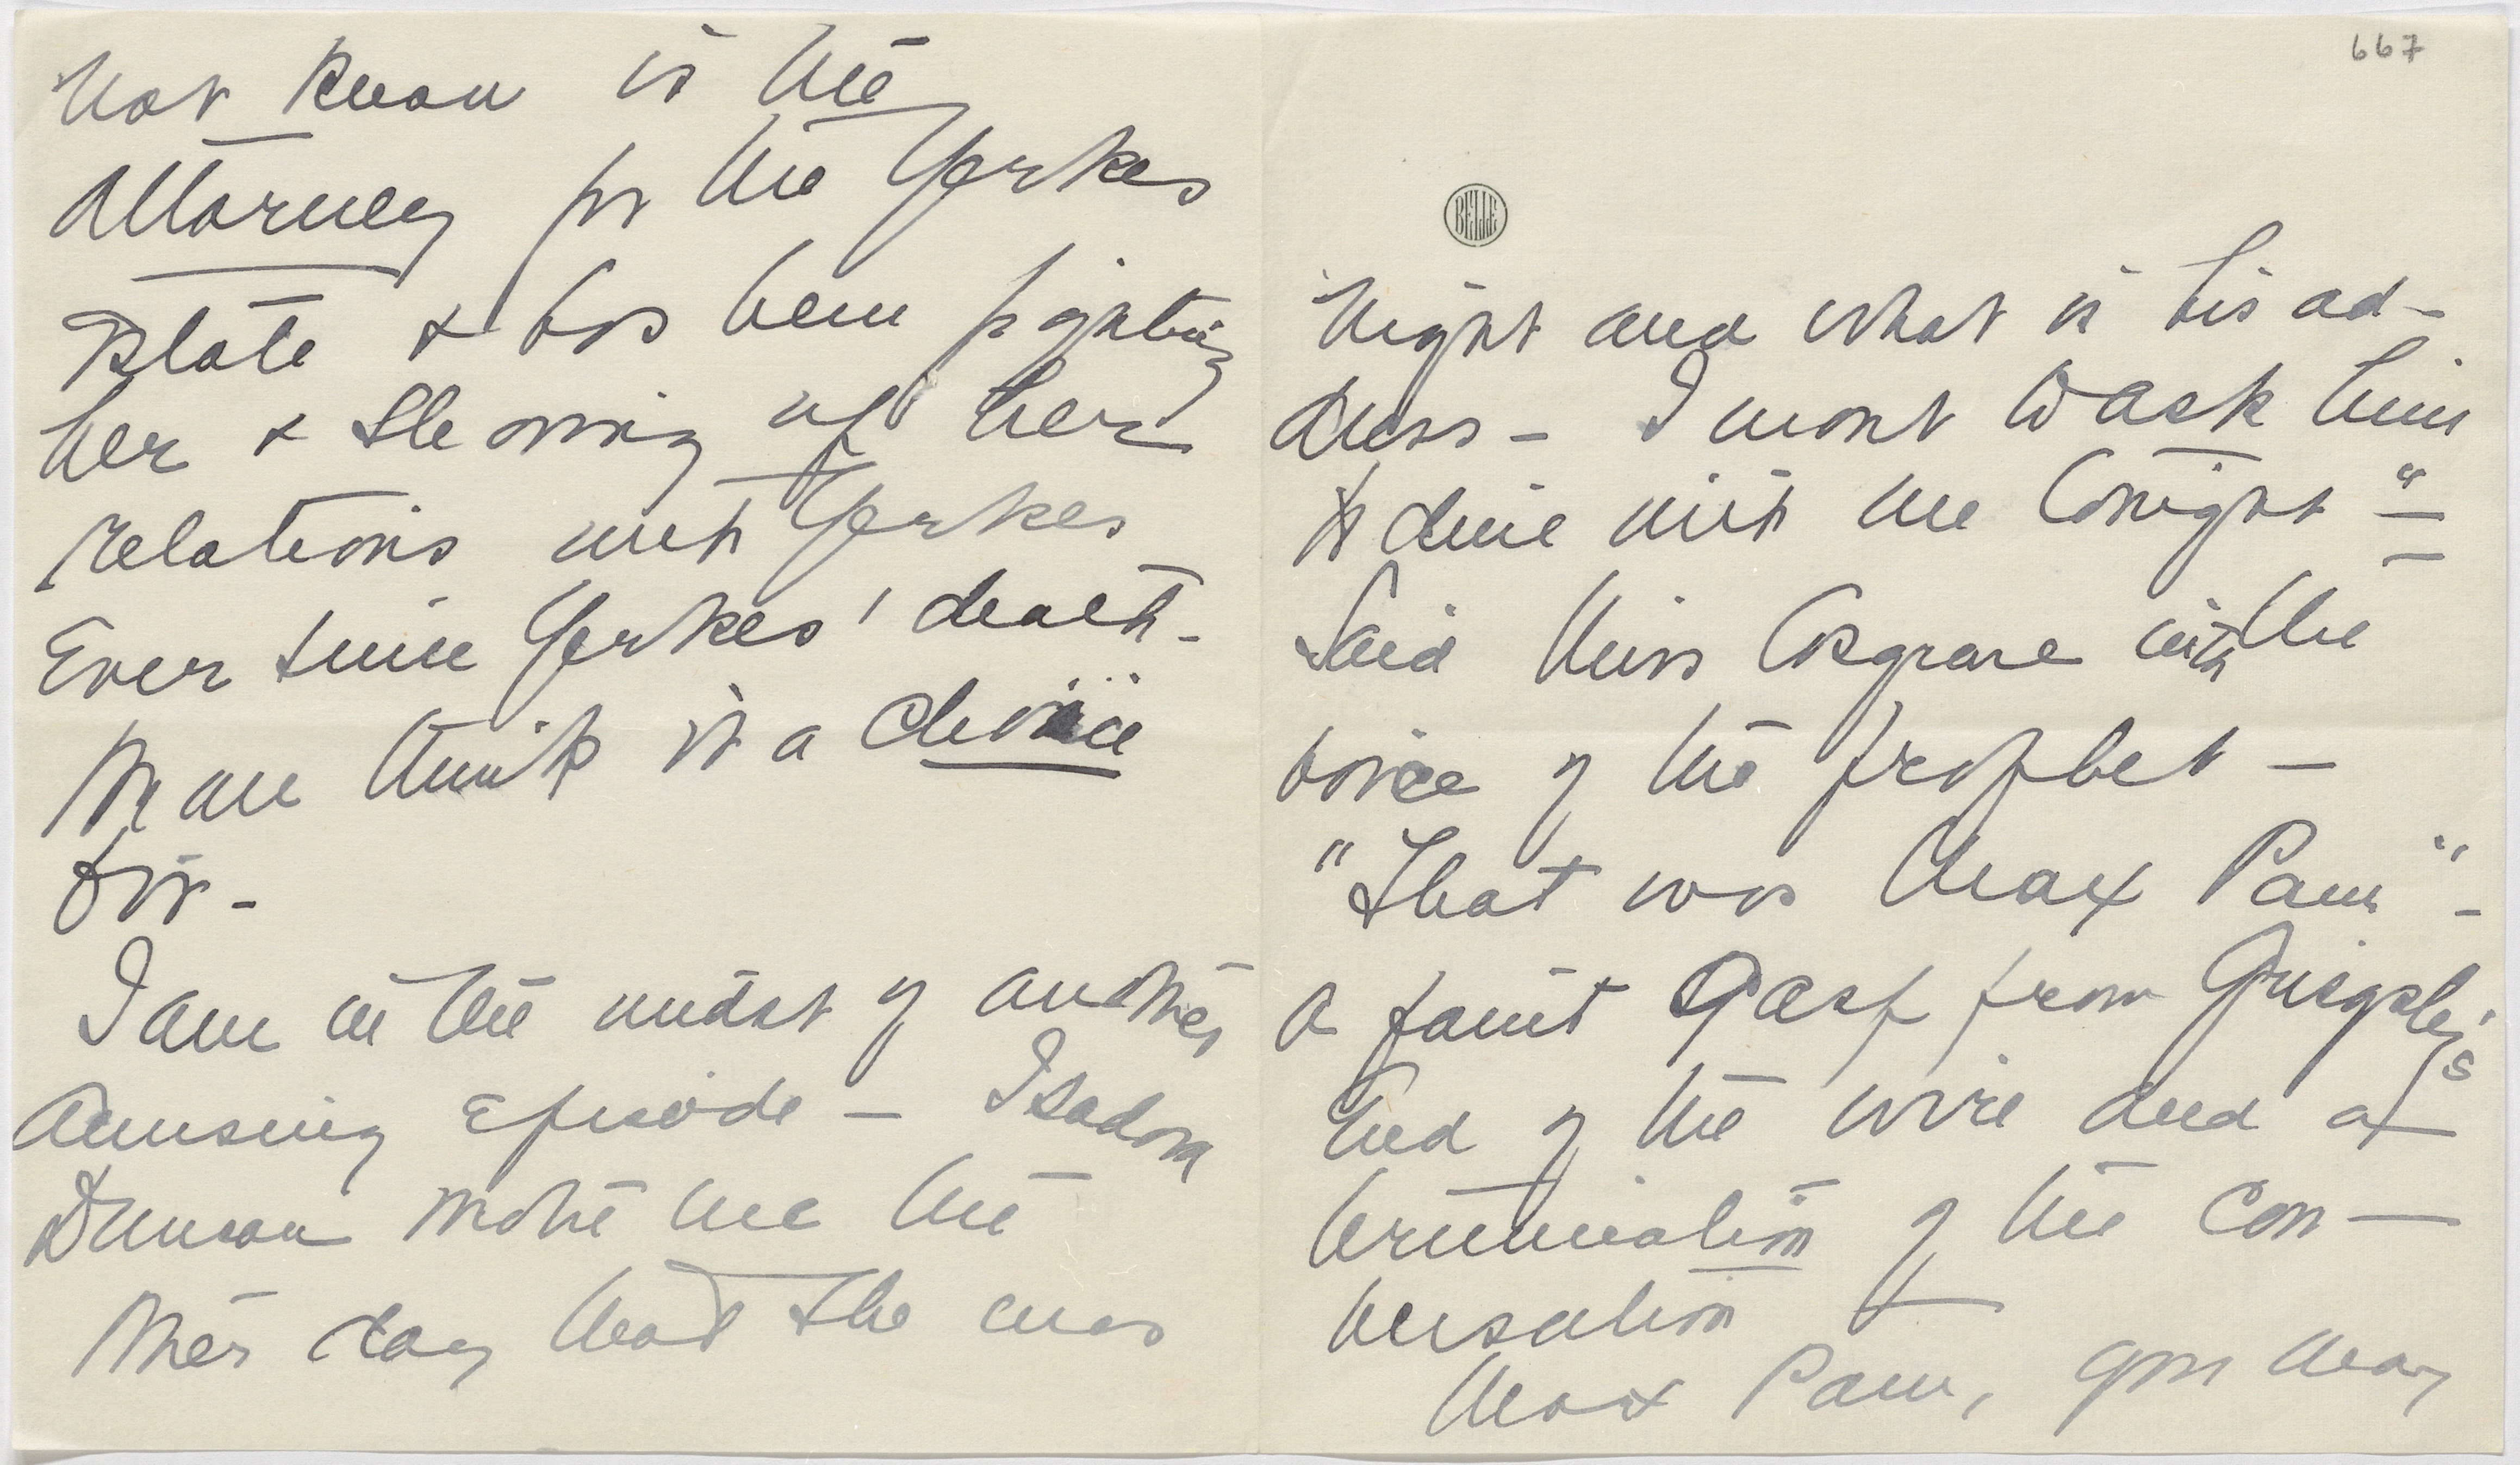night and what is his address – I want to ask him to dine with me tonight” – Said Miss Cosgrave with the voice of the prophet –
“That was Max Pam” – a faint gasp from Grigsby’s End of the wire and a termination of the conversation –
Max Pam, you may
not know is the attorney for the Yerkes Estate & has been fighting her & showing up her relations with Yerkes ever since Yerkes’ death – We all think it a choice bit –
I am in the midst of another amusing episode – Isadora Duncan wrote me the other day that she was